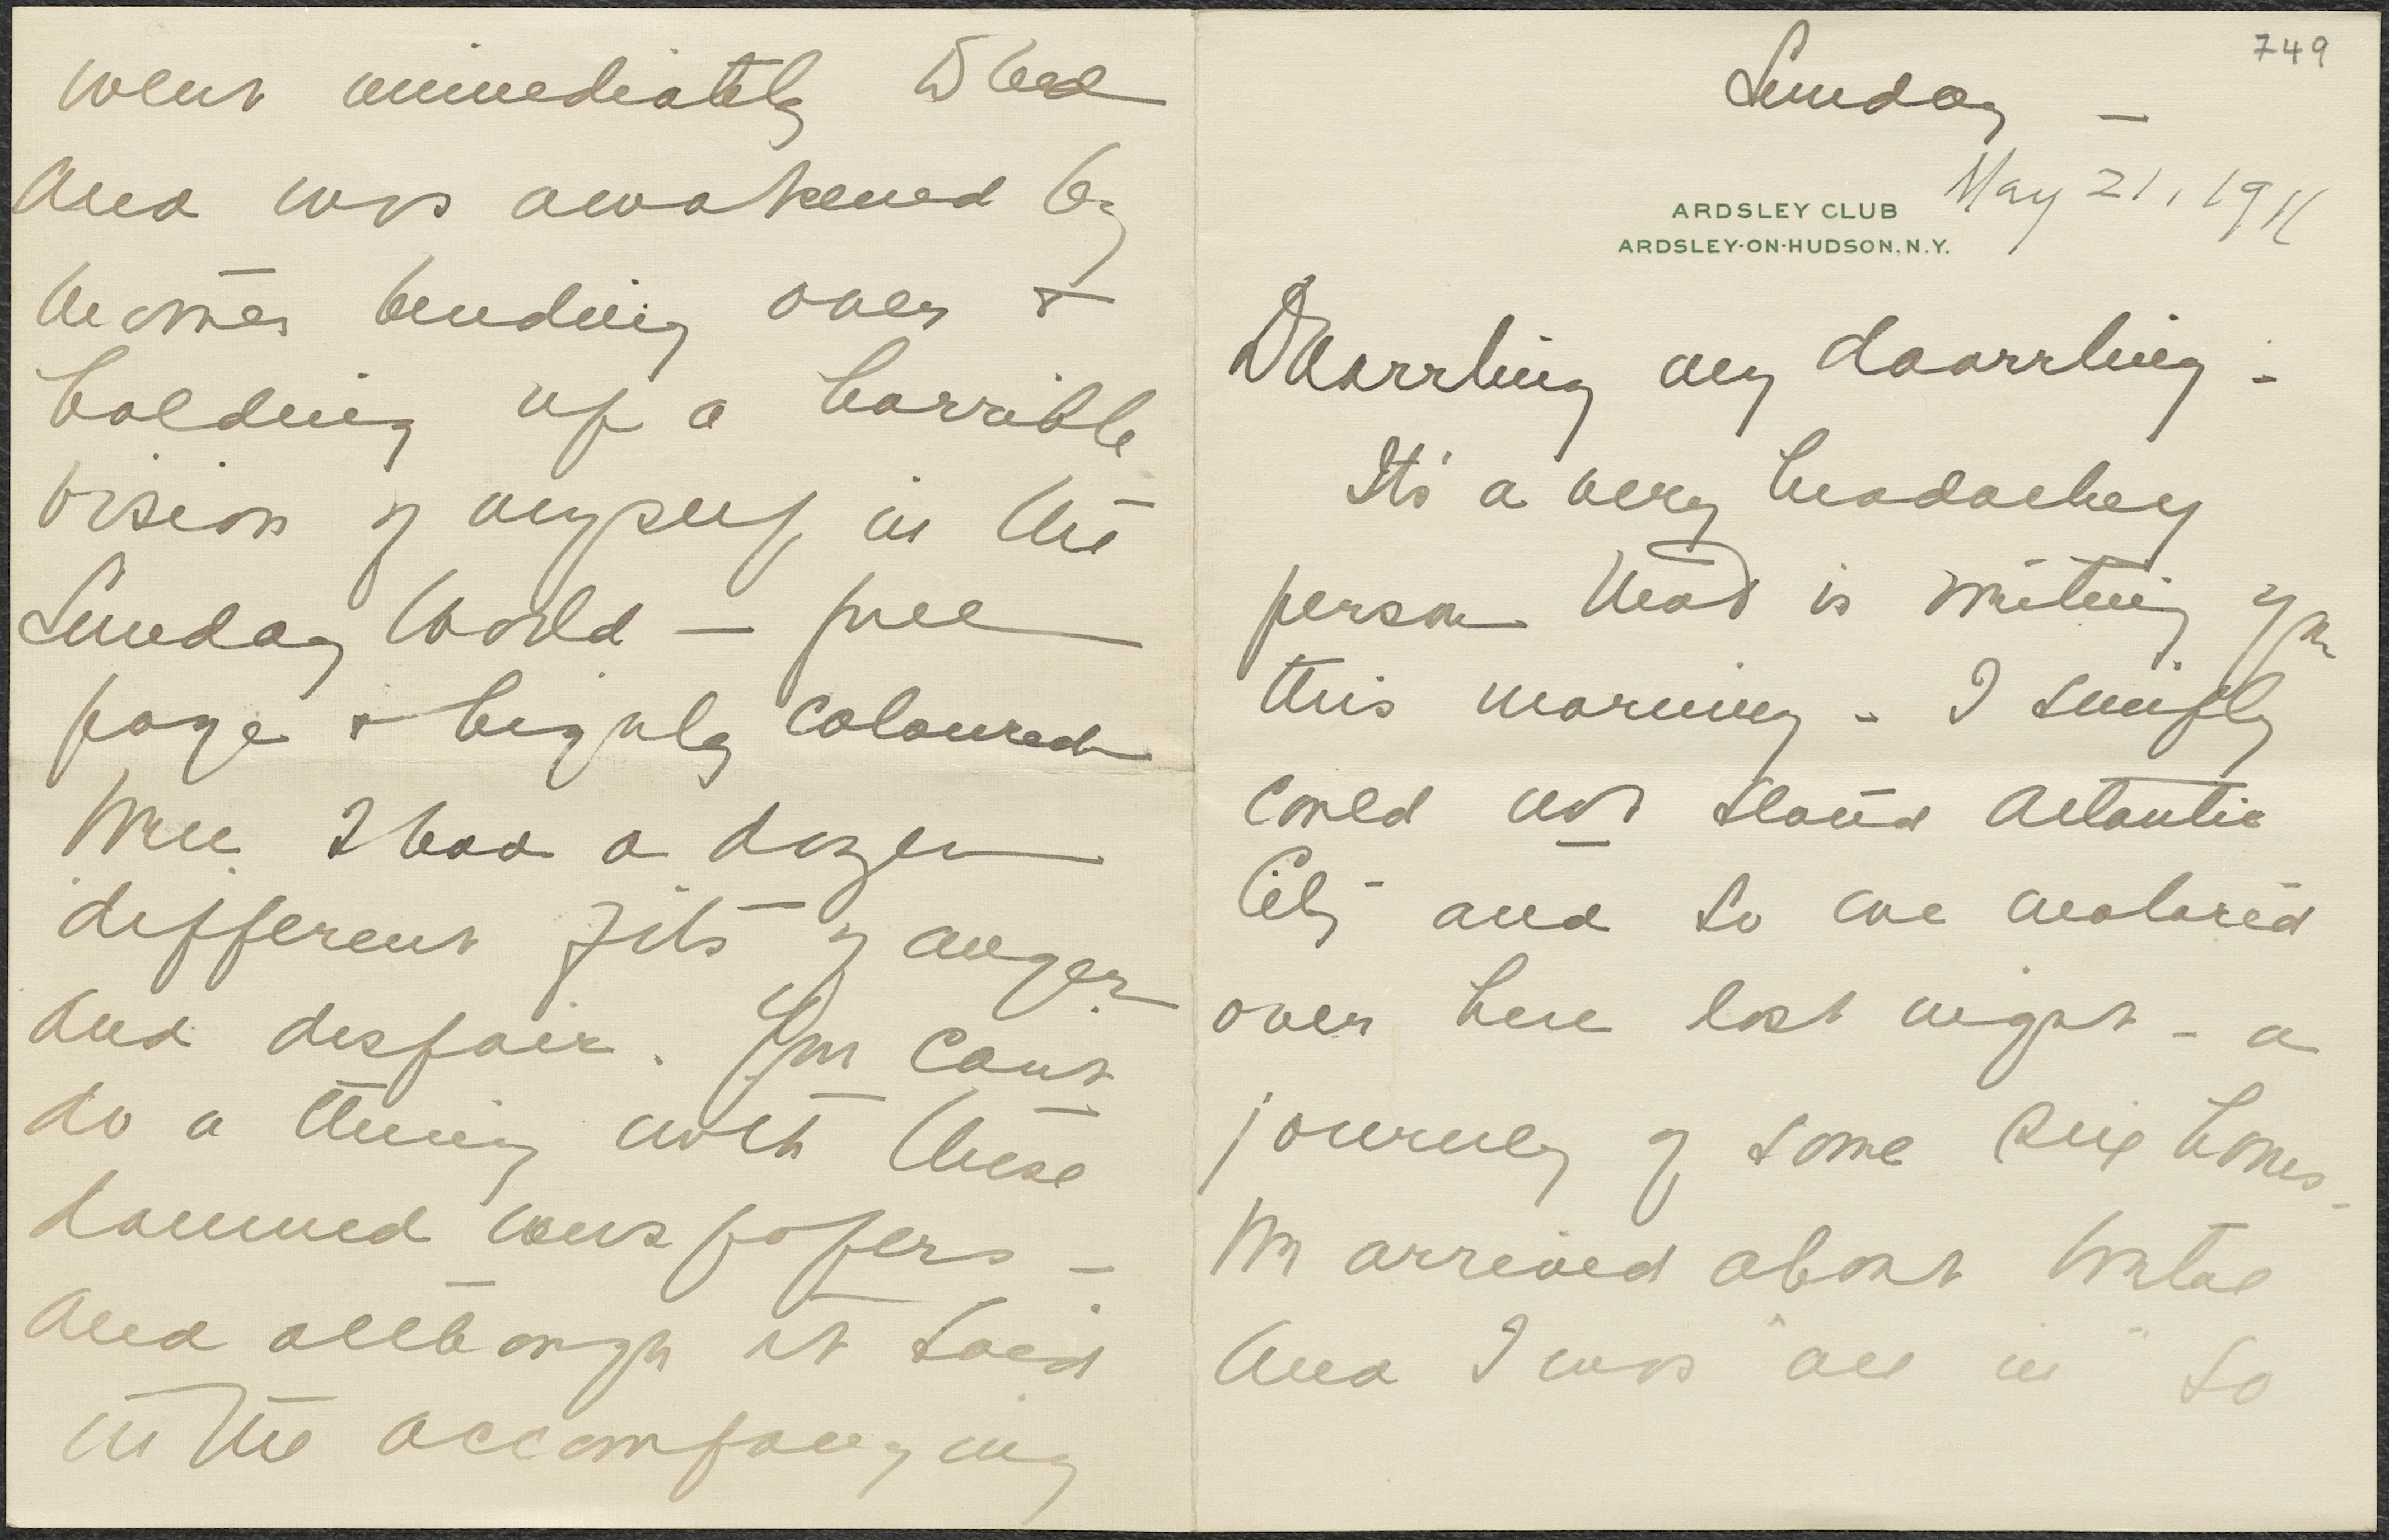Sunday –
Daarrling my daarrling –
It’s a very headachey person that is writing you this morning – I simply could not stand Atlantic City and so we motored over here last night – a journey of some six hours. We arrived about brutal and I was “all in” so
went immediately to bed and was awakened by mother bending over & holding up a horrible vision of myself in the Sunday World – full page & brightly coloured
Well I had a dozen different fits of anger and despair. You can’t do a thing with these damned newspapers – and although it said in the accompanying